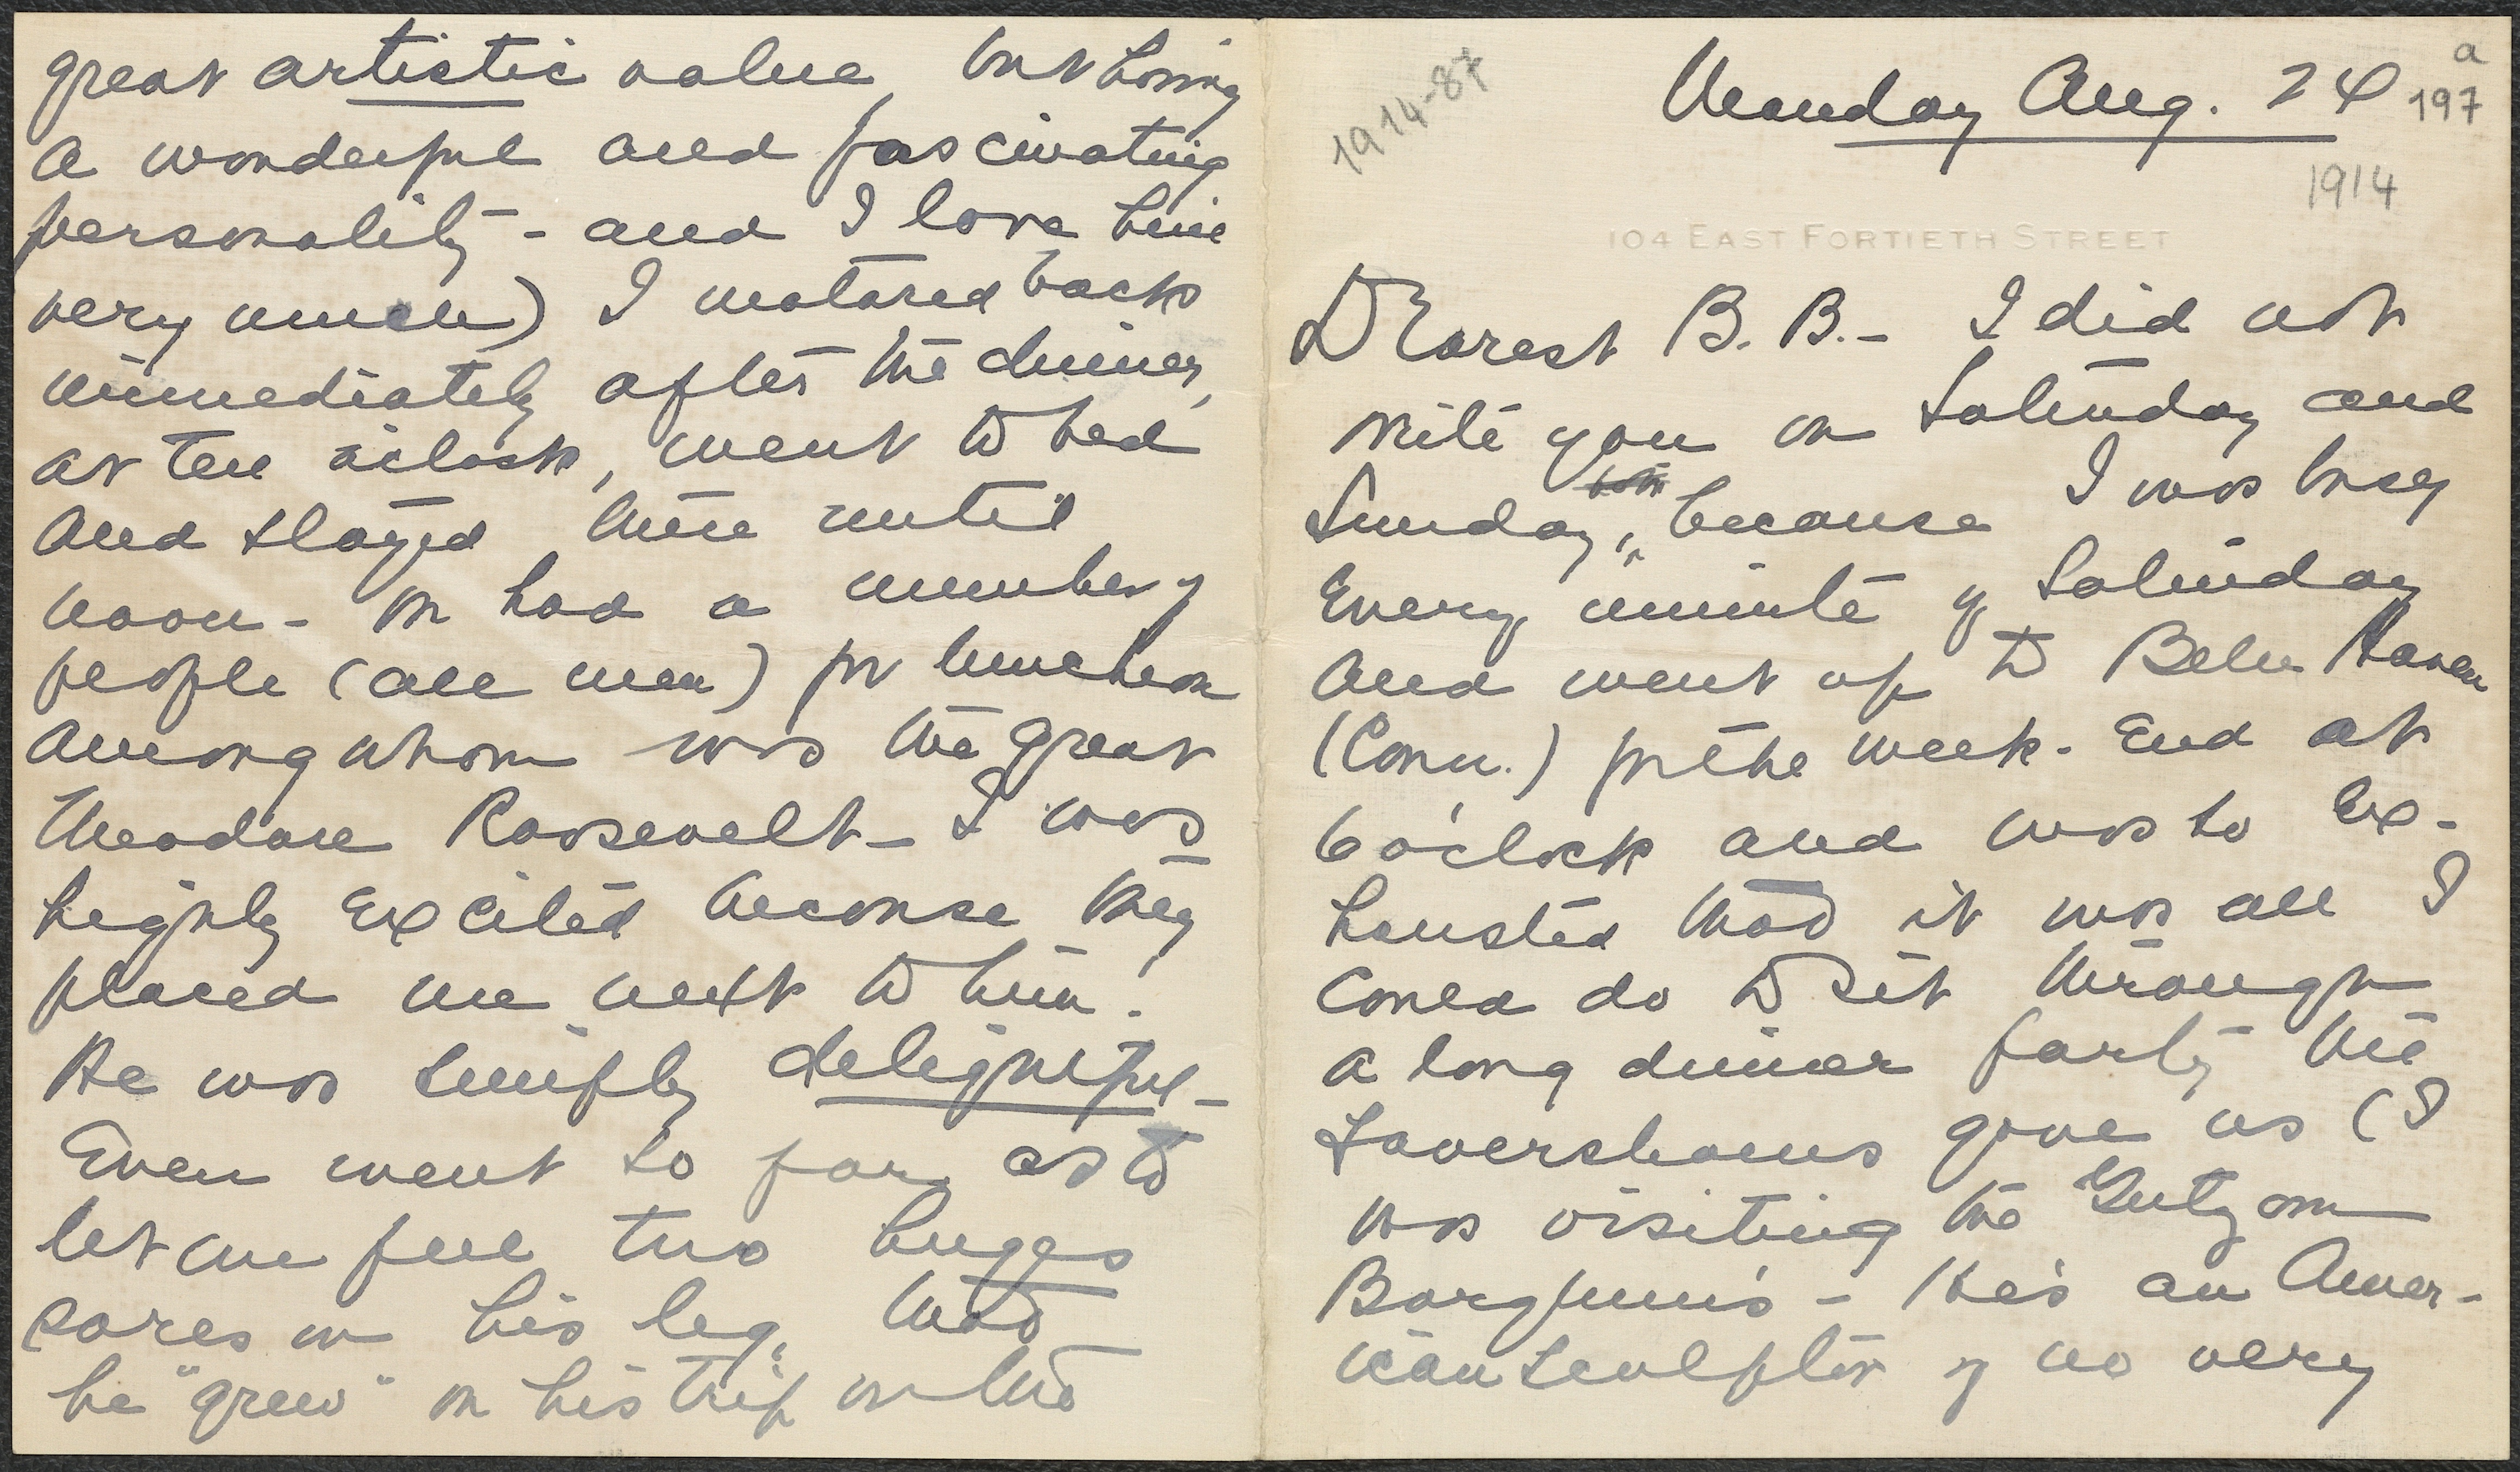August 24th
Dearest B.B –
I did not write you on Saturday and Sunday, [^both^] because I was busy every minute of Saturday and went up to Belle Haven (Conn.) for the week-end at 6 o’clock and was so exhausted that it was all I could do to sit through a long dinner party the Favershams gave us (I was visiting the Gutzon Borglum's – He’s an American sculptor of no very
great artistic value, but having a wonderful and fascinating personality – and I love him very much) I motored back immediately after the dinner, at ten o’clock, went to bed and stayed there until noon – We had a number of people (all men) for luncheon among whom was the Great Theodore Roosevelt – I was highly excited because they placed me next to him!
He was simply delightful – Even went so far as to let me feel two huges [sic] sores on his leg, that he “grew” on his trip on the